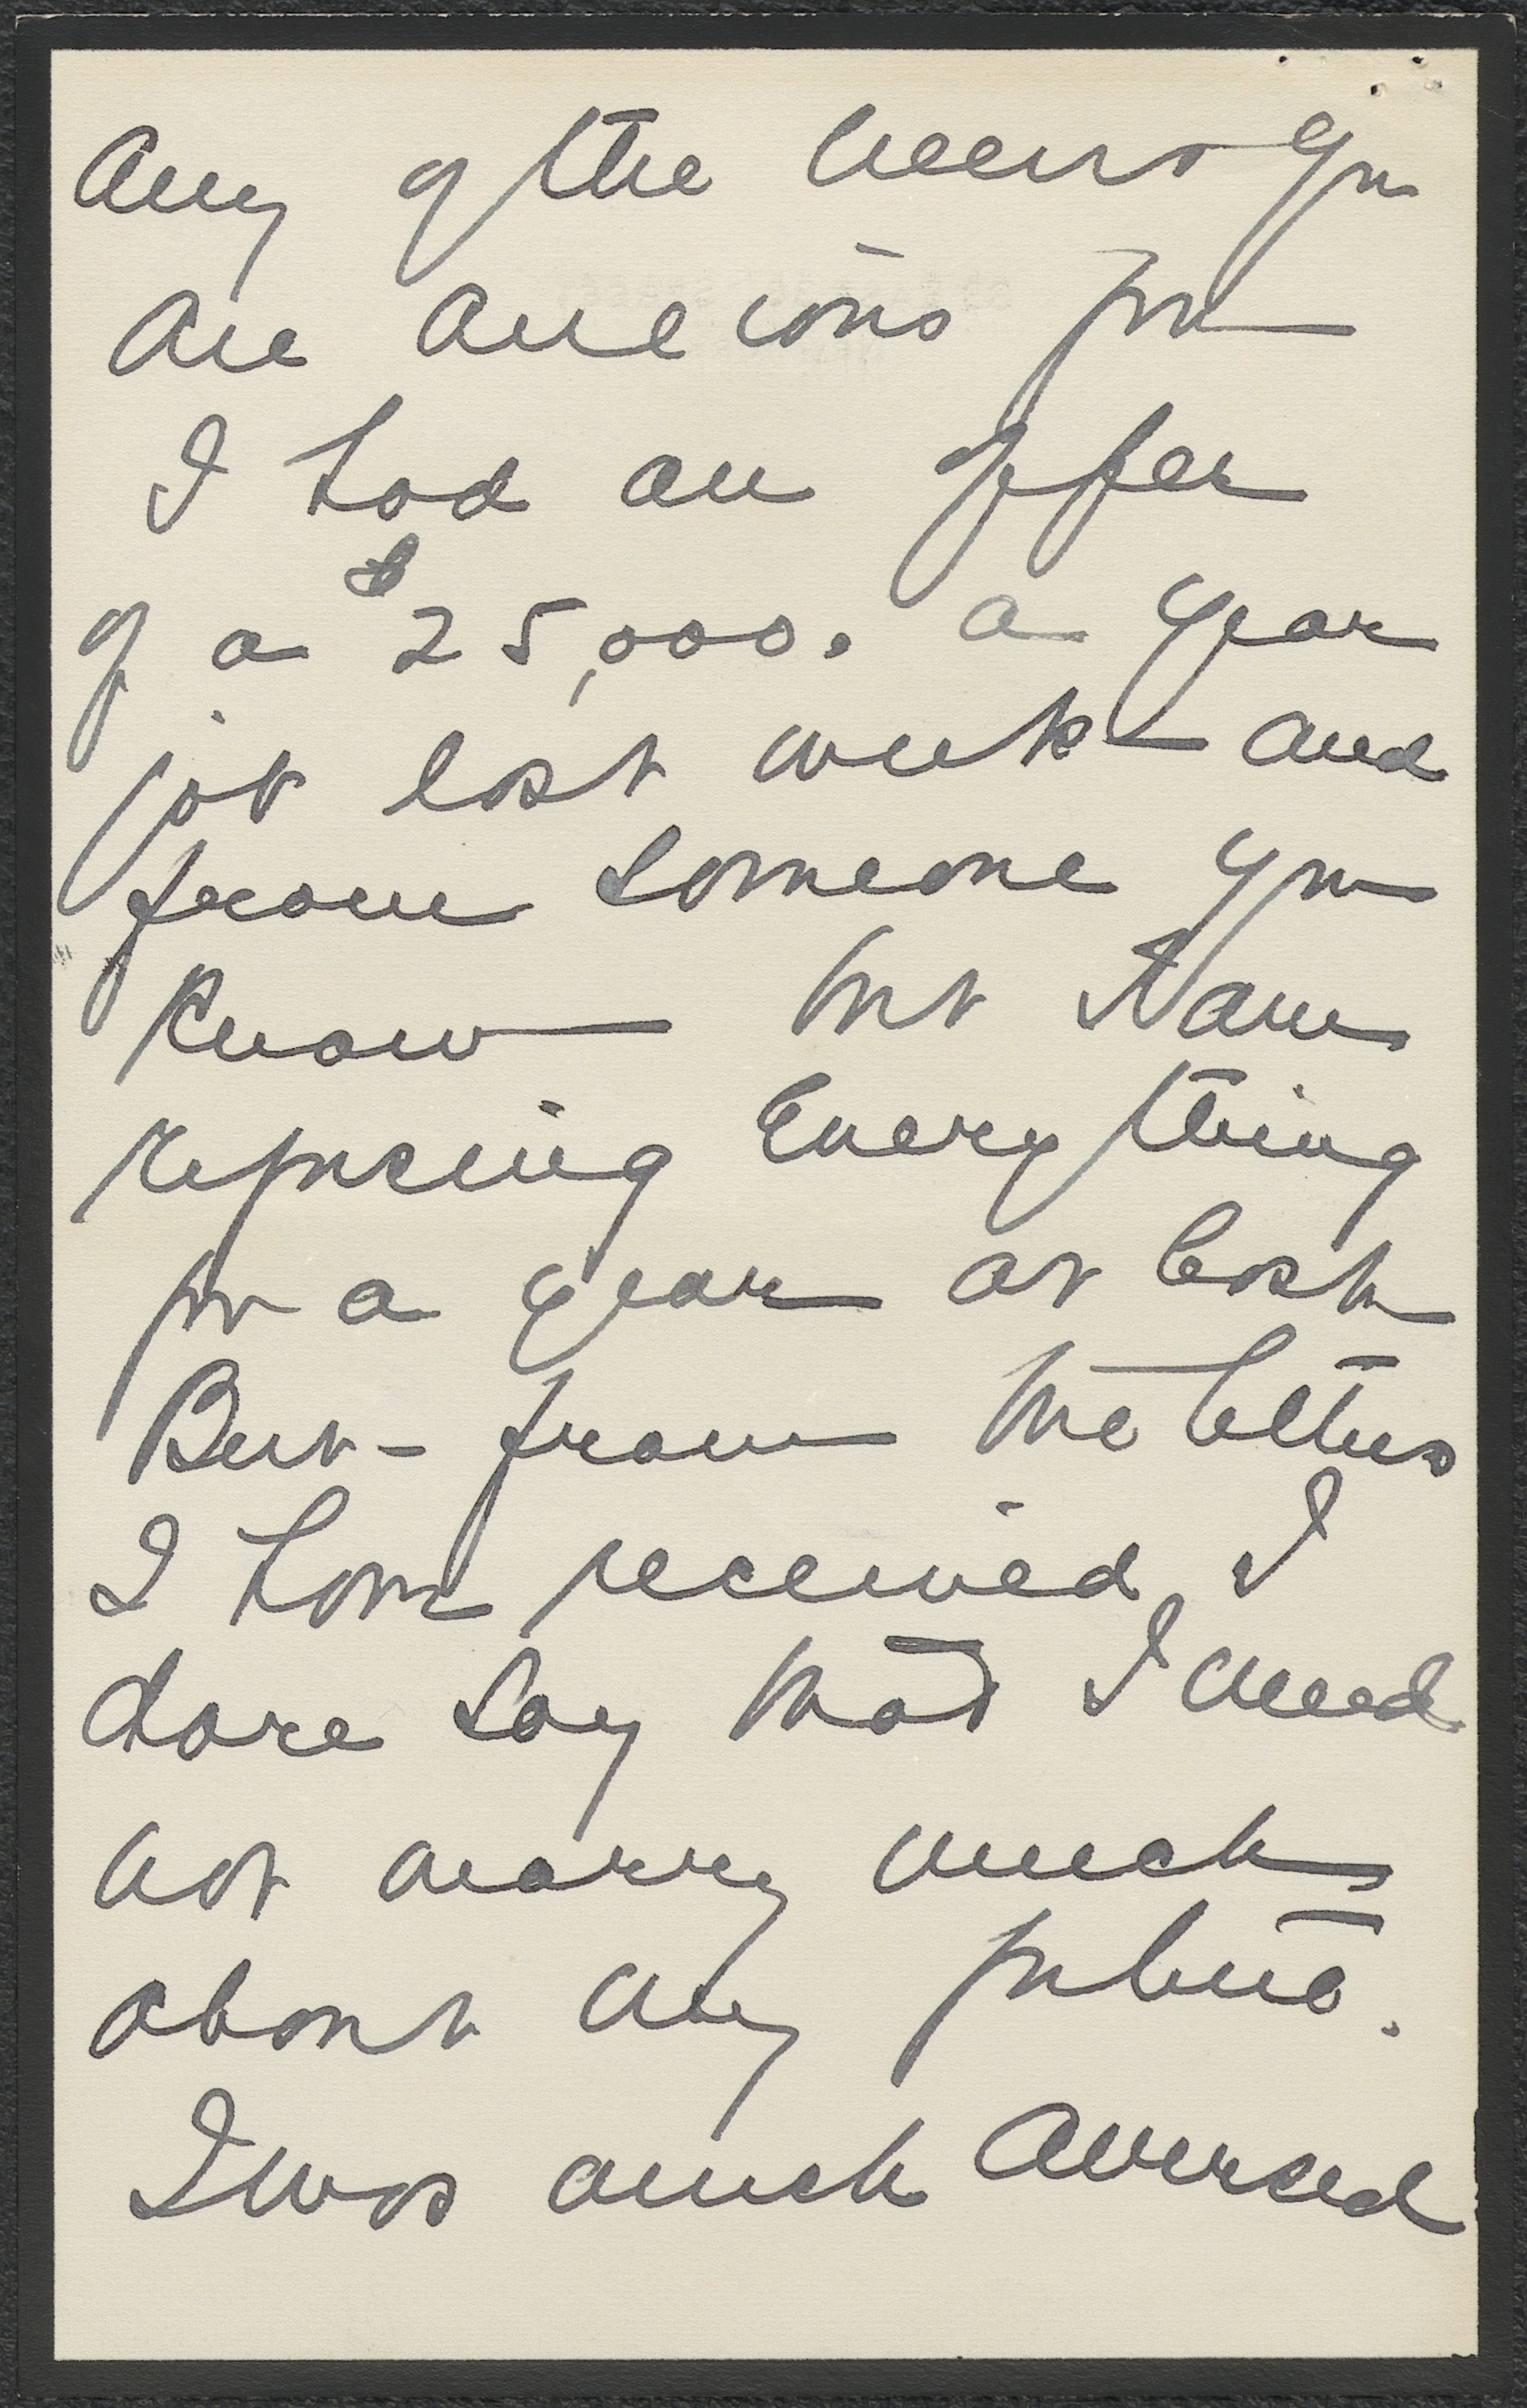any of the news you are anxious for –
I had an offer of a $25,000. a year job last week – and from someone you know – but I am refusing everything for a year at least – But – from the letters I have received I dare say that I need not worry much about my future.
I was much amused